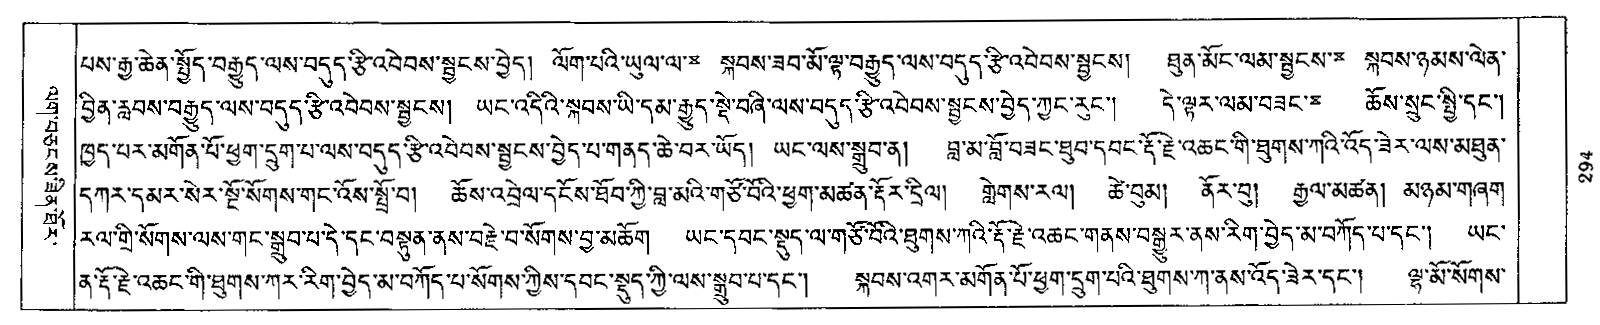པས་རྒྱ་ཆེན་སྤྱོད་བརྒྱུད་ལས་བདུད་རྩི་འབེབས་སྦྱངས་བྱེད། ལོག་པའི་ཡུལ་ལ་྾་སྐབས་ཟབ་མོ་ལྟ་བརྒྱུད་ལས་བདུད་རྩི་འབེབས་སྦྱངས། ཐུན་མོང་ལམ་སྦྱངས་྾་སྐབས་ཉམས་ལེན་
བྱིན་རླབས་བརྒྱུད་ལས་བདུད་རྩི་འབེབས་སྦྱངས། ཡང་འདིའི་སྐབས་ཡི་དམ་རྒྱུད་སྡེ་བཞི་ལས་བདུད་རྩི་འབེབས་སྦྱངས་བྱེད་ཀྱང་རུང་། དེ་ལྟར་ལམ་བཟང་྾་ཆོས་སྲུང་སྤྱི་དང་།
ཁྱད་པར་མགོན་པོ་ཕྱག་དྲུག་པ་ལས་བདུད་རྩི་འབེབས་སྦྱངས་བྱེད་པ་གནད་ཆེ་བར་ཡོད། ཡང་ལས་སྒྲུབ་ན། བླ་མ་བློ་བཟང་ཐུབ་དབང་རྡོ་རྗེ་འཆང་གི་ཐུགས་ཀའི་འོད་ཟེར་ལས་མཐུན་
དཀར་དམར་སེར་སྔོ་སོགས་གང་འོས་སྤྲོ་བ། ཆོས་འབྲེལ་དངོས་ཐོབ་ཀྱི་བླ་མའི་གཙོ་བོའི་ཕྱག་མཚན་རྡོར་དྲིལ། གླེགས་རལ། ཚེ་བུམ། ནོར་བུ། རྒྱལ་མཚན། མཉན་གཞག་
རལ་གྲི་སོགས་ལས་གང་སྒྲུབ་པ་དེ་དང་བསྟུན་ནས་བརྗེ་བ་སོགས་བྱ་མཆོག་ཡང་དབང་སྡུད་ལ་གཙོ་བོའི་ཐུགས་ཀའི་རྡོ་རྗེ་འཆང་གནས་བསྒྱུར་ནས་རིག་བྱེད་མ་བཀོད་པ་དང་། ཡང་
ན་རྡོ་རྗེ་འཆང་གི་ཐུགས་ཀར་རིག་བྱེད་མ་བཀོད་པ་སོགས་ཀྱིས་དབང་སྡུད་ཀྱི་ལས་སྒྲུབ་པ་དང་། སྐབས་འགར་མགོན་པོ་ཕྱག་དྲུག་པའི་ཐུགས་ཀ་ནས་འོད་ཟེར་དང་། ལྷ་མོ་སོགས་